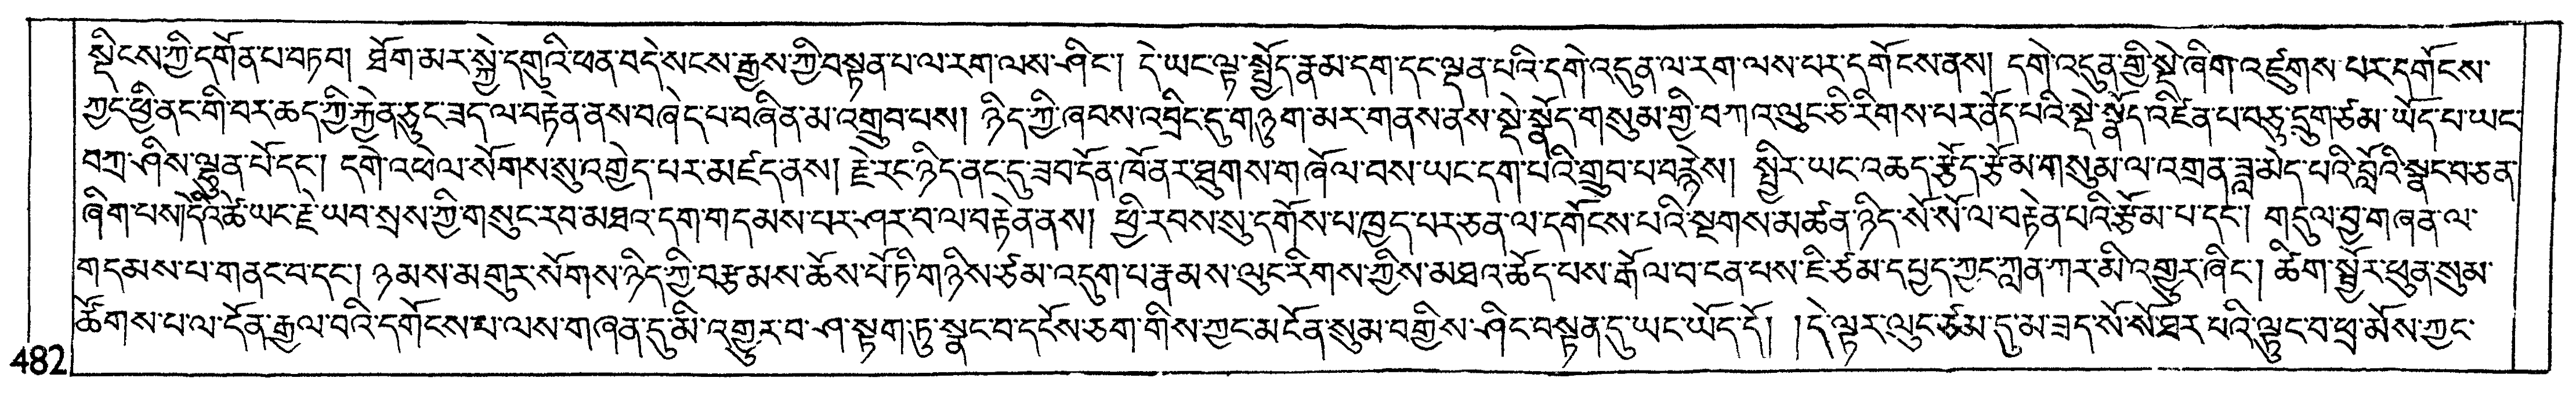སྡིངས་ཀྱི་དགོན་པ་བཏབ། ཐོག་མར་སྐྱེ་དགུའི་ཕན་བདེ་སངས་རྒྱས་ཀྱི་བསྟན་པ་ལ་རག་ལས་ཤིང་། དེ་ཡང་ལྟ་སྤྱོད་རྣམ་དག་དང་ལྡན་པའི་དགེ་འདུན་ལ་རག་ལས་པར་དགོངས་ནས། དགེ་འདུན་གྱི་སྡེ་ཞིག་འཛུགས་པར་དགོངས་
ཀྱང་ཕྱི་ནང་གི་བར་ཆད་ཀྱི་རྐྱེན་ཅུང་ཟད་ལ་བརྟེན་ནས་བཞེད་པ་བཞིན་མ་འགྲུབ་པས། ཉིད་ཀྱི་ཞབས་འབྲིང་དུ་གཉུག་མར་གནས་ནས་སྡེ་སྣོད་གསུམ་གྱི་བཀའ་ལུང་ཅི་རིགས་པར་ནོད་པའི་སྡེ་སྣོད་འཛིན་པ་བཅུ་དྲུག་ཙམ་ཡོད་པ་ཡང་
བཀྲ་ཤིས་ལྷུན་པོ་དང་། དགེ་འཕེལ་སོགས་སུ་འགྱེད་པར་མཛད་ནས། རྗེ་རང་ཉིད་ནང་དུ་ཟབ་དོན་ཁོ་ནར་ཐུགས་གཞོལ་བས་ཡང་དག་པའི་གྲུབ་པ་བརྙེས། སྤྱིར་ཡང་འཆད་རྩོད་རྩོམ་གསུམ་ལ་འགྲན་ཟླ་མེད་པའི་བློའི་སྣང་བ་ཅན་
ཞིག་པས། དེའི་ཚེ་ཡང་རྗེ་ཡབ་སྲས་ཀྱི་གསུང་རབ་མཐའ་དག་གདམས་པར་ཤར་བ་ལ་བརྟེན་ནས། ཕྱི་རབས་སུ་དགོས་པ་ཁྱད་པར་ཅན་ལ་དགོངས་པའི་སྔགས་མཚན་ཉིད་སོ་སོ་ལ་བརྟེན་པའི་རྩོམ་པ་དང་། གདུལ་བྱ་གཞན་ལ་
གདམས་པ་གནང་བ་དང་། ཉམས་མགུར་སོགས་ཉིད་ཀྱི་བརྩམས་ཆོས་པོ་ཏི་གཉིས་ཙམ་འདུག་པ་རྣམས་ལུང་རིགས་ཀྱིས་མཐའ་ཆོད་པས་རྒོལ་བ་ངན་པས་ཇི་ཙམ་དཔྱད་ཀྱང་ཀླན་ཀར་མི་འགྱུར་ཞིང་། ཚིག་སྦྱོར་ཕུན་སུམ་
ཚོགས་པ་ལ་དོན་རྒྱལ་བའི་དགོངས་པ་ལས་གཞན་དུ་མི་འགྱུར་བ་ཤ་སྟག་ཏུ་སྣང་བ་དངོས་ཅག་གིས་ཀྱང་མངོན་སུམ་བགྱིས་ཤིང་བསྟན་དུ་ཡང་ཡོད་དོ། །དེ་ལྟར་ལུང་ཙམ་དུ་མ་ཟད་སོ་སོ་ཐར་པའི་ལྟུང་བ་ཕྲ་མོས་ཀྱང་